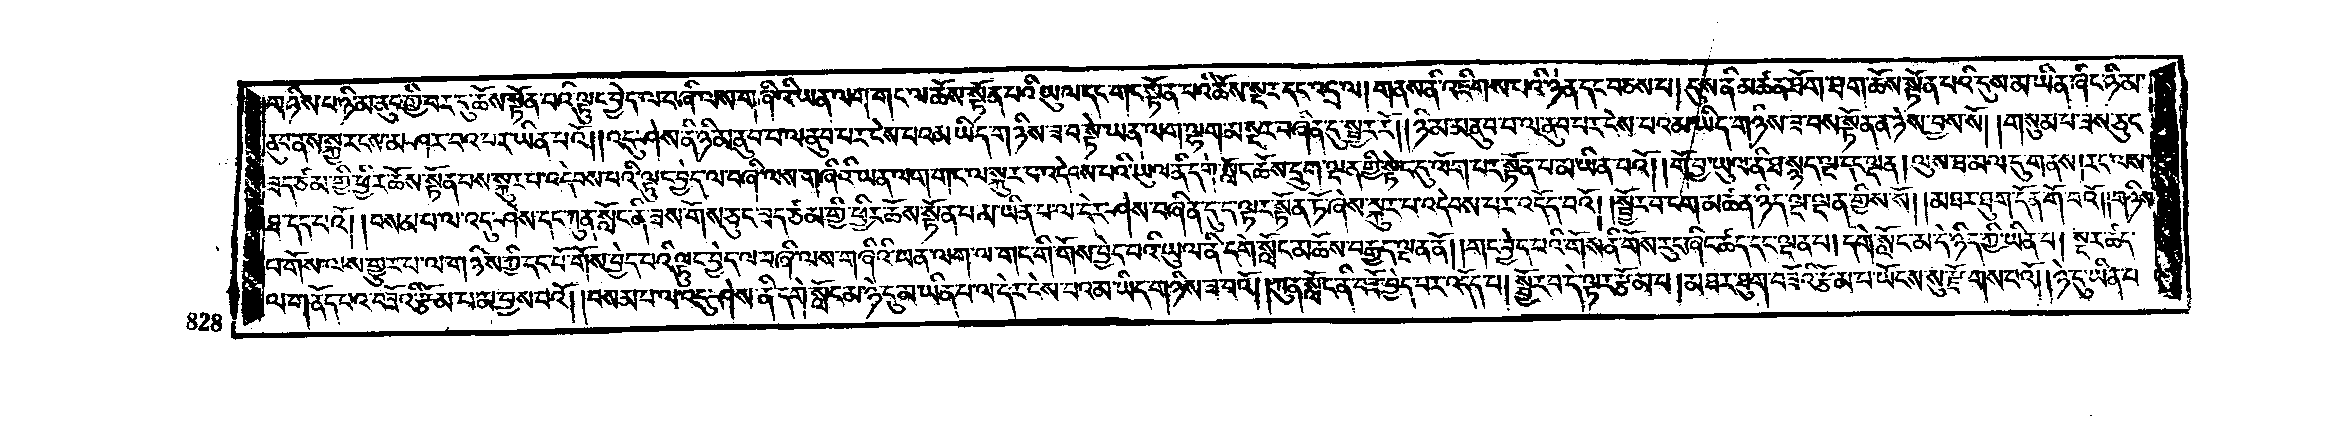གཉིས་པ་ཉི་མ་ནུབ་ཀྱི་བར་དུ་ཆོས་སྟོན་པའི་ལྟུང་བྱེད་ལ་བཞི་ལས་གཞིའི་ཡན་ལག་གང་ལ་ཆོས་སྟོན་པའི་ཡུལ་དང་གང་སྟོན་པའི་ཆོས་སྔར་དང་འདྲ་ལ། གནས་ནི་འཇིགས་པའི་ཉེན་དང་བཅས་པ། དུས་ནི་མཚན་ཐོག་ཐག་ཆོས་སྟོན་པའི་དུས་མ་ཡིན་ཞིང་ཉི་མ་
ནུབ་ནས་སྐྱ་རངས་མྴར་བའ་པར་ཡིན་པའོ། །འདུ་ཤེས་ནི་ཉི་མ་ནུབ་པ་ལ་ནུབ་པར་ངེས་པའམ་ཡིད་གཉིས་ཟ་བ་སྟེ་ཡན་ལག་ལྷག་མ་སྔར་བཞིན་དུ་སྦྱར་རོ། །ཉི་མ་མ་ནུབ་པ་ལ་ནུབ་པར་ངེས་པའམ་ཡིད་གཉིས་ཟ་བས་སྟོན་ན་ཉེས་བྱས་སོ། །གསུམ་པ་ཟས་ཅུང་
ཟད་ཙམ་གྱི་ཕྱིར་ཆོས་སྟོན་པས་སྐུར་པ་འདེབས་པའི་ལྟུང་བྱེད་ལ་བཞི་ལས་གཞིའི་ཡན་ལག་གང་ལ་སྐུར་པ་འདེབས་པའི་ཡུལ་ནི་དགེ་སློང་ཆོས་དྲུག་ལྡན་གྱི་སྟེང་དུ་ལོག་པར་སྟོན་པ་མ་ཡིན་པའོ། །གོ་བྱ་ཡུལ་ནི་ཐ་སྙད་ལྔ་དང་ལྡན། ལུས་ཐ་མལ་དུ་གནས། རང་ལས་
ཐ་དད་པའོ། །བསམ་པ་ལ་འདུ་ཤེས་དང་ཀུན་སློང་ནི་ཟས་གོས་ཅུང་ཟད་ཙམ་གྱི་ཕྱིར་ཆོས་སྟོན་པ་མ་ཡིན་པ་ལ་དེར་ཤེས་བཞིན་དུ་ད་ལྟར་སྟོན་ཏོ་ཞེས་སྐུར་པ་འདེབས་པར་འདོད་པའོ། །སྦྱོར་བ་ངག་མཚན་ལྔ་ལྡན་གྱིས་སོ། །མཐར་ཐུག་དོན་གོ་བའོ། །གཉིས་
པ་གོས་ལས་གྱུར་པ་ལ་གཉིས་ཀྱི་དང་པོ་གོས་བྱེད་པའི་ལྟུང་བྱེད་ལ་བཞི་ལས་གཞིའི་ཡན་ལག་ལ་གང་གི་གོས་བྱེད་པའི་ཡུལ་ནི་དགེ་སློང་མ་ཆོས་བརྒྱད་ལྡན་ནོ། །གང་བྱེད་པའི་གོས་ནི་གོས་རུང་ཞིང་ཚད་དང་ལྡན་པ། དགེ་སློང་མ་དེ་ཉིད་ཀྱི་ཡིན་པ། སྔར་ཚད་
ལ་གནོད་པའི་བཟོའི་རྩོམ་པ་མ་བྱས་པའོ། །བསམ་པ་ལ་འདུ་ཤེས་ནི་དགེ་སློང་མ་ཉི་དུ་མ་ཡིན་པ་ལ་དེར་ངེས་པའམ་ཡིད་གཉིས་ཟ་བའོ། །ཀུན་སློང་ནི་བཟོ་བྱེད་པར་འདོད་པ། སྦྱོར་བ་དེ་ལྟར་རྩོམ་པ། མཐར་ཐུག་བཟོའི་རྩོམ་པ་ཡོངས་སུ་རྫོགས་པའོ། །ཉེ་དུ་ཡིན་པ་